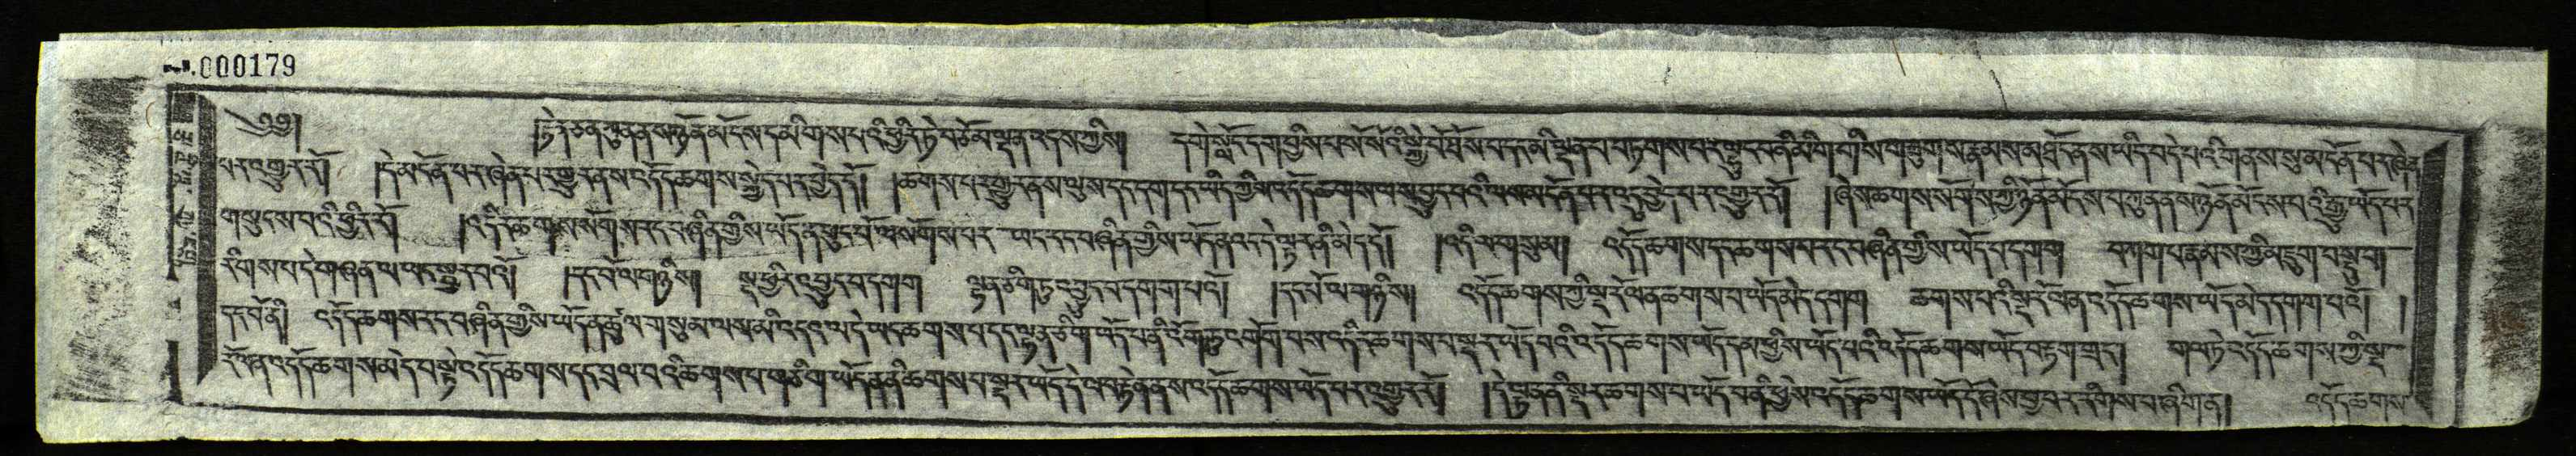༄༅། །རྟེན་ཅན་ཀུན་ནས་ཉོན་མོངས་དམིགས་པའི་ཕྱིར་ཏེ་བཅོམ་ལྡན་འདས་ཀྱིས། དགེ་སློང་དག་བྱིས་པ་སོ་སོའི་སྐྱེ་བོ་ཐོས་པ་དང་མི་ལྡན་པ་བཏགས་པར་ལྷུང་བ་ནི་མིག་གིས་གཟུགས་རྣམས་མཐོང་ནས་ཡིད་བདེ་བའི་གནས་སུ་མངོན་པར་ཞེན་
པར་འགྱུར་རོ། །དེ་མངོན་པར་ཞེན་པར་གྱུར་ནས་འདོད་ཆགས་སྐྱེད་པར་བྱེད་དོ། །ཆགས་པར་གྱུར་ནས་ལུས་དང་ངག་དང་ཡིད་ཀྱིས་འདོད་ཆགས་ལས་བྱུང་བའི་ལས་མངོན་པར་འདུ་བྱེད་པར་འགྱུར་རོ། །ཞེས་ཆགས་སོགས་ཀྱི་ཉོན་མོངས་པ་ཀུན་ནས་ཉོན་མོངས་པའི་རྒྱུ་ཡོད་པར་
གསུངས་པའི་ཕྱིར་རོ། །འདིར་ཆགས་སོགས་རང་བཞིན་གྱིས་ཡོད་ན་ཕུང་པོ་ལ་སོགས་པར་ཡང་རང་བཞིན་གྱིས་ཡོད་ནའང་དེ་ལྟར་ནི་མེད་དོ། །འདི་ལ་གསུམ། འདོད་ཆགས་དང་ཆགས་པ་རང་བཞིན་གྱིས་ཡོད་པ་དགག་དཀག་པ་རྣམས་ཀྱི་མཇུག་བསྡུ་བ།
རིགས་པ་དེ་གཞན་ལ་ཡང་སྦྱར་བའོ། །དང་པོ་ལ་གཉིས། སྔ་ཕྱིར་འབྱུང་བ་དགག་ལྷན་ཅིག་ཏུ་འབྱུང་བ་དགག་པའོ། །དང་པོ་ལ་གཉིས། འདོད་ཆགས་ཀྱི་སྔ་རོལ་ན་ཆགས་པ་ཡོད་མེད་དགག་ཆགས་པའི་སྔ་རོལ་ན་འདོད་ཆགས་ཡོད་མེད་དགག་པའོ། །
དང་པོ་ནི། འདོད་ཆགས་རང་བཞིན་གྱིས་ཡོད་ན་ཚུལ་གསུམ་ལས་མི་འདའ་ལ་དེ་ཡང་ཆགས་པ་དང་ལྷན་ཅིག་ཡོད་པ་ནི་འོག་ཏུ་འགོག་པས་འདིར་ཆགས་བ་སྔར་ཡོད་པའི་འདོད་ཆགས་ཡོད་དམ་ཕྱིས་ཡོད་པའི་འདོད་ཆགས་ཡོད་བརྟག་གྲང་། གལ་ཏེ་འདོད་ཆགས་ཀྱི་སྔ་
རོལ་ན་འདོད་ཆགས་མེད་པ་སྟེ་འདོད་ཆགས་དང་བྲལ་བའི་ཆགས་པ་གཅིག་ཡོད་ན་ནི་ཆགས་པ་སྔར་ཡོད་དེ་ལ་བརྟེན་ནས་འདོད་ཆགས་ཡོད་པར་འགྱུར་རོ། །དེ་ལྟ་ན་ནི་སྔར་ཆགས་པ་ཡོད་པ་ནི་ཕྱེས་འདོད་ཆགས་ཡོད་དོ་ཞེས་བྱ་བར་རིགས་པ་ཞིག་ན། འདོད་ཆགས་